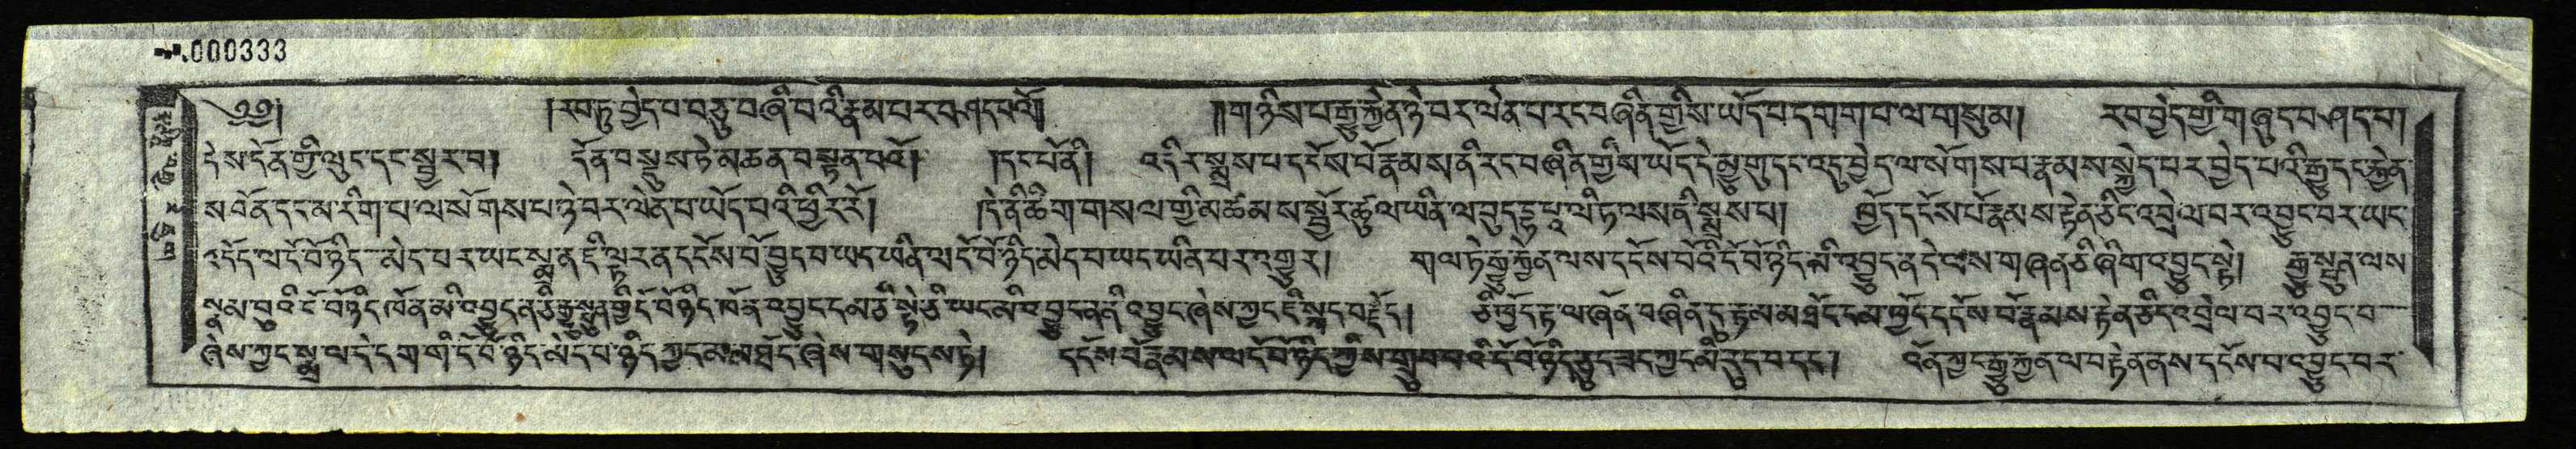༄༅། །རབ་ཏུ་བྱེད་པ་བཅུ་བཞི་པའི་རྣམ་པར་བཤད་པའོ།། །།གཉིས་པ་རྒྱུ་རྐྱེན་ཉེ་བར་ལེན་པ་རང་བཞིན་གྱིས་ཡོད་པ་དགག་པ་ལ་གསུམ། རབ་བྱེད་གྱི་གཞུང་བཤད་པ།
དེས་དོན་གྱི་ལུང་དང་སྦྱར་བ། དོན་བསྡུས་ཏེ་མཆན་བསྟན་པའོ། །དང་པོ་ནི། འདིར་སྨྲས་པ་དངོས་པོ་རྣམས་ནི་རང་བཞིན་གྱིས་ཡོད་དེ་མྱུ་གུ་དང་འདུ་བྱེད་ལ་སོགས་པ་རྣམས་སྐྱེད་པར་བྱེད་པའི་རྒྱུ་དང་རྐྱེན་
ས་བོན་དང་མ་རིག་པ་ལ་སོགས་པ་ཉེ་བར་ལེན་པ་ཡོད་པའི་ཕྱིར་རོ། །དེ་ནི་ཚིག་གསལ་གྱི་མཚམས་སྦྱོར་ཚུལ་ཡིན་ལ་བུད་དྷ་པཱ་ལི་ཏ་ལས་ནི་སྨྲས་པ། ཁྱོད་དངོས་པོ་རྣམས་རྟེན་ཅིང་འབྲེལ་བར་འབྱུང་བར་ཡང་
འདོད་ལ་ངོ་བོ་ཉིད་མེད་པར་ཡང་སྨྲ་ན་ཇི་ལྟར་ན་དངོས་པོ་བྱུང་བ་ཡང་ཡིན་ལ་ངོ་བོ་ཉིད་མེད་པ་ཡང་ཡིན་པར་འགྱུར། གལ་ཏེ་རྒྱུ་རྐྱེན་ལས་དངོས་པོའི་ངོ་བོ་ཉིད་མི་འབྱུང་ན་དེ་ལས་གཞན་ཅི་ཞིག་འབྱུང་སྟེ། རྒྱུ་སྤུན་ལས་
སྣམ་བུའི་ངོ་བོ་ཉིད་ཁོ་ན་མི་འབྱུང་ན་ཅི་རྒྱུ་སྤུན་གྱི་ངོ་བོ་ཉིད་ཁོ་ན་འབྱུང་དམ་ཅི་སྟེ་ཅི་ཡང་མི་འབྱུང་ན་ནི་འབྱུང་ཞེས་ཀྱང་ཇི་སྐད་བརྗོད། ཅི་ཁྱོད་རྟ་ལ་ཞོན་བཞིན་དུ་རྟ་མ་མཐོང་ངམ་ཁྱོད་དངོས་པོ་རྣམས་རྟེན་ཅིང་འབྲེལ་བར་འབྱུང་བ་
ཞེས་ཀྱང་སྨྲ་ལ་དེ་དག་གི་ངོ་བོ་ཉིད་མེད་པ་ཉིད་ཀྱང་མ་མཐོང་ཞེས་གསུངས་ཏེ། དངོས་པོ་རྣམས་ལ་ངོ་བོ་ཉིད་ཀྱིས་གྲུབ་པའི་ངོ་བོ་ཉིད་ཅུང་ཟད་ཀྱང་མི་རུང་བ་དང་། འོན་ཀྱང་རྒྱུ་རྐྱན་ལ་བརྟེན་ནས་དངོས་པ་འབྱུང་བར་